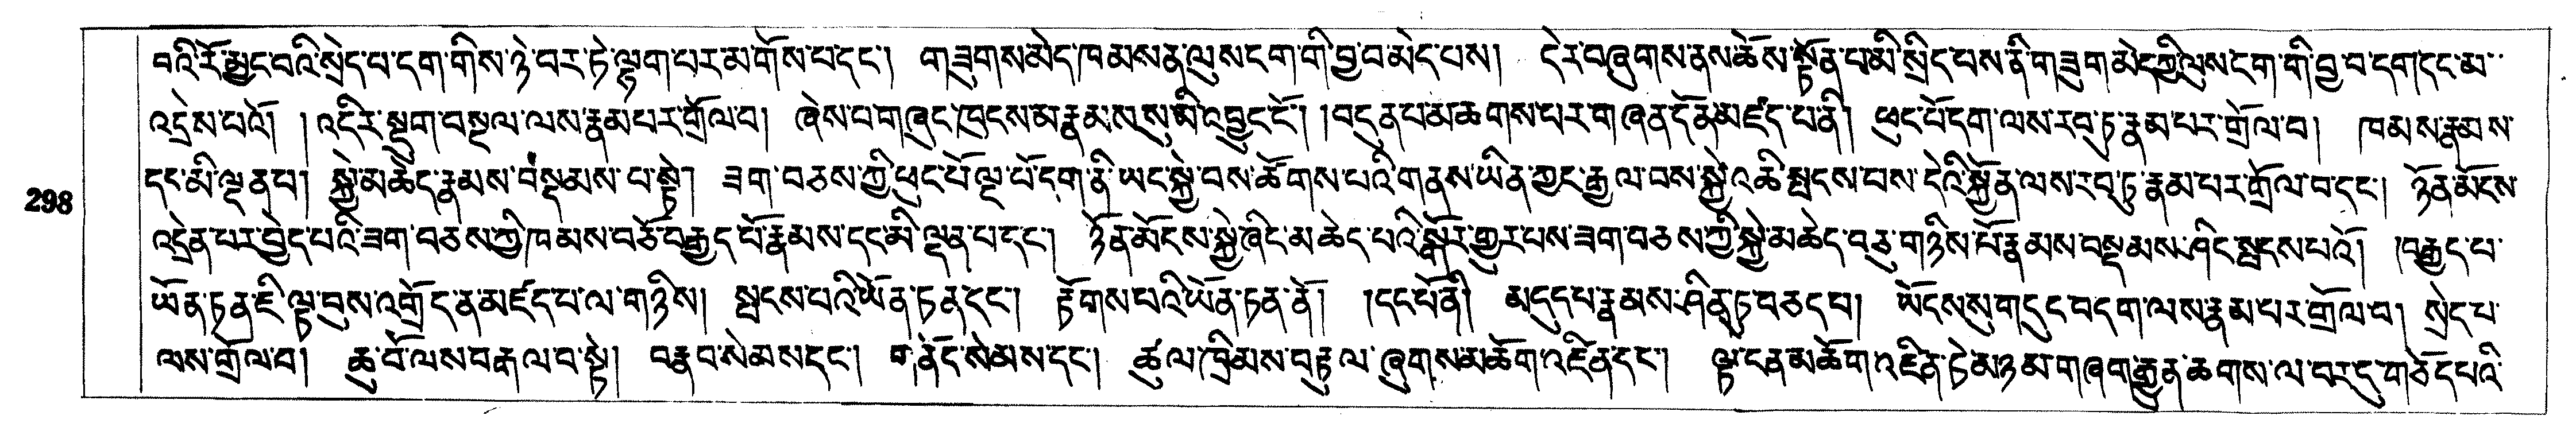བའི་རོ་མྱང་བའི་སྲེད་པ་དག་གིས་ཉེ་བར་ཏེ་ལྷག་པར་མ་གོས་པ་དང་། གཟུགས་མེད་ཁམས་ན་ལུས་ངག་གི་བྱ་བ་མེད་པས། དེར་བཞུགས་ནས་ཆོས་སྟོན་པ་མི་སྲིད་པས་ནི་གཟུག་མེད་ཀྱི་ལུས་ངག་གི་བྱ་བ་ངག་དང་མ་
འདྲེས་པའོ། །འདིར་སྡུག་བསྔལ་ལས་རྣམ་པར་གྲོལ་བ། ཞེས་བ་གཞུང་ཁུངས་མ་རྣམས་སུ་མི་འབྱུང་ངོ། །བདུན་པ་མ་ཆགས་པར་གཞན་དོན་མཛད་པ་ནི། ཕུང་པོ་དག་ལས་རབ་ཏུ་རྣམ་པར་གྲོལ་བ། ཁམས་རྣམས་
དང་མི་ལྡན་པ། སྐྱེ་མཆེད་རྣམས་བསྡམས་པ་སྟེ། ཟག་བཅས་ཀྱི་ཕུང་པོ་ལྔ་པོ་དག་ནི་ཡང་སྐྱེ་བས་ཚོགས་པའི་གནས་ཡིན་ཀྱང་རྒྱལ་བས་སྐྱེ་འཆི་སྤངས་པས་དེའི་སྐྱོན་ལས་རབ་ཏུ་རྣམ་པར་གྲོལ་བ་དང་། ཉོན་མོངས་
འདྲེན་པར་བྱེད་པའི་ཟག་བཅས་ཀྱི་ཁམས་བཅོ་བརྒྱད་པོ་རྣམས་དང་མི་ལྡན་པ་དང་། ཉོན་མོངས་སྐྱེ་ཞིང་མཆེད་པའི་སྒོར་གྱུར་པས་ཟག་བཅས་ཀྱི་སྐྱེ་མཆེད་བཅུ་གཉིས་པོ་རྣམས་བསྡམས་ཤིང་སྤངས་པའོ། །བརྒྱད་པ་
ཡོན་ཏན་ཇི་ལྟ་བུས་འགྲོད་ན་མཛད་པ་ལ་གཉིས། སྤངས་པའི་ཡོན་ཏན་དང་། རྟོགས་པའི་ཡོན་ཏན་ནོ། །དང་པོ་ནི། མདུད་པ་རྣམས་ཤིན་ཏུ་བཅད་པ། ཡོངས་སུ་གདུང་བདག་ལས་རྣམ་པར་གྲོལ་བ། སྲེད་པ་
ལས་གྲོལ་བ། ཆུ་བོ་ལས་བརྒལ་བ་སྟེ། བརྣབ་སེམས་དང་། གནོད་སེམས་དང་། ཚུལ་ཁྲིམས་བརྟུལ་ཞུགས་མཆོག་འཛིན་དང་། ལྟ་ངན་མཆོག་འཛིན་ཏེ་མཉམ་གཞག་རྒྱུན་ཆགས་ལ་བར་དུ་གཅོད་པའི་